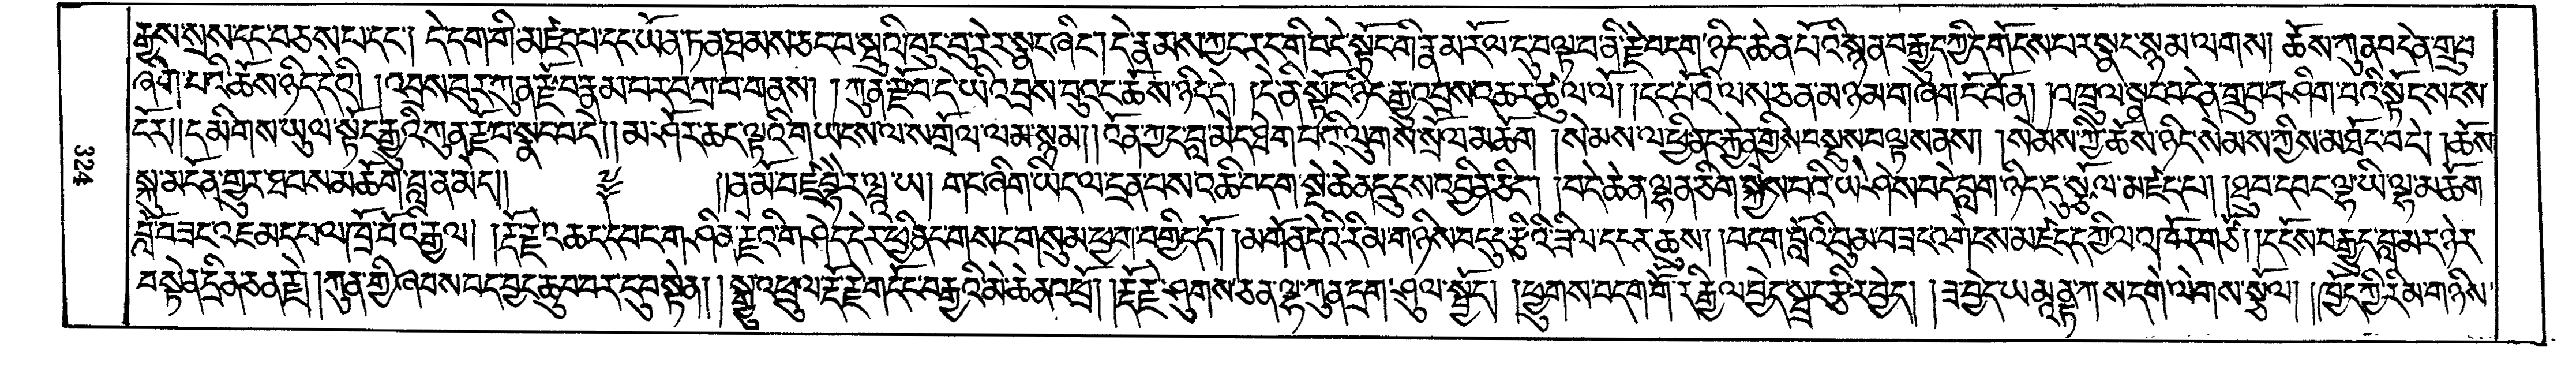རྒྱས་སྲས་དང་བཅས་པ་དང་། དེ་དག་གི་མཛད་པ་དང་ཡོན་ཏན་ཐམས་ཅད་བ་སྤུའི་ཁུང་བུ་རེར་སྣང་ཞིང་། དེ་རྣམས་ཀྱང་རང་གི་བདེ་སྟོང་གི་རྣམ་རོལ་དུ་བལྟ་བ་ནི་རྗེ་བདག་ཉིད་ཆེན་བོའི་སྙན་བརྒྱུད་ཀྱི་དགོངས་བར་སྣང་སྙམ་ལགས། ཆོས་ཀུན་བདེན་གྲུབ་
ཞིག་པའི་ཆོས་ཉིད་དེའི། །འབྲས་བུར་ཀུན་རྫོབ་རྣམ་པར་བཀྲ་བ་གནས། །ཀུན་རྫོབ་དེ་ཡི་འབྲས་བུའང་ཆོས་ཉིད་དེ། །དེ་ནི་སྟོང་ཉིད་རྒྱུ་འབྲས་འཆར་ཚུལ་ནི། །དང་པོའི་ལས་ཅན་མཉམ་གཞག་ངོ་བོ་ན། །འཁྲུལ་སྣང་བདེན་གྲུབ་བཤིག་པའི་སྟོང་སངས་
ངོར༑ ༑དམིགས་ཡུལ་སྟོང་རྒྱུའི་ཀུན་རྫོབ་སྣང་བ་དེ། །མ་ཤོར་ཆང་ལྟའི་གཡངས་ལས་གྲོལ་ལམ་སྙམ། །འོན་ཀྱང་བླ་མེད་ཐེག་པའི་ལུགས་སྲོལ་མཆོག །སེམས་ལ་ཕྱི་ནང་རྐྱེན་གྱིས་བསྡུས་བལྟས་ནས། །སེམས་ཀྱི་ཆོས་ཉིད་སེམས་ཀྱིས་མཐོང་བ་དེ། །ཆོས་
སྐུ་མངོན་གྱུར་ཐབས་མཆོག་བླ་ན་མེད།། ༈ །།ན་མོ་བཛྲ་བྷཻ་ར་ཝཱ་ཡ། གང་ཞིག་ཡིད་ལ་དྲན་པས་འཆི་བདག་སྡེ་ཆེན་དྲུངས་འབྱིན་ཅིང་། །བདེ་ཆེན་ལྷན་ཅིག་སྐྱེས་པའི་ཡེ་ཤེས་བདེ་བླག་ཉིད་དུ་སྩོལ་མཛད་པ། །ཐུབ་དབང་ལྷ་ཡི་ལྷ་མཆོག་
བློ་བཟང་འཇམ་དཔལ་ཁྲོ་བོའི་རྒྱལ། །རྡོ་རྗེ་འཆང་དབང་གཤིན་རྗེའི་གཤེད་དེར་ཕྱི་ནང་གསང་གསུམ་ཕྱག་བགྱིད་དོ། །མགོན་དེའི་རིམ་གཉིས་བདུད་རྩིའི་ཟིལ་དང་ར་ཆུས། །བདག་བློའི་བུམ་བཟང་འགེངས་མཛད་དཀྱིལ་འཁོར་གཙོ། །དངོས་བརྒྱུད་བླ་མར་ཉེར་
བསྟེན་དྲིན་ཅན་རྗེ། །ཀུན་གྱི་ཞབས་པ་བྱང་ཆུབ་བར་དུ་བསྟེན། །སྒྱུ་འཕྲུལ་རྡོ་རྗེ་གདོང་བརྒྱའི་མེ་ཆེན་འཕྲོ། །རྡོ་རྗེ་ཤུགས་ཅན་ལྷ་ཀུན་དྲག་ཤུལ་སྤྱོད། །ཕྱུགས་བདག་གཽ་རི་རྒྱལ་བྱེད་སྦྲང་རྩིར་བྱེད། །ཟ་བྱེད་ཡ་མཱ་ནཏ་ཀས་དགེ་ལེགས་སྩོལ། །ཁྱོད་ཀྱི་རིམ་གཉིས་